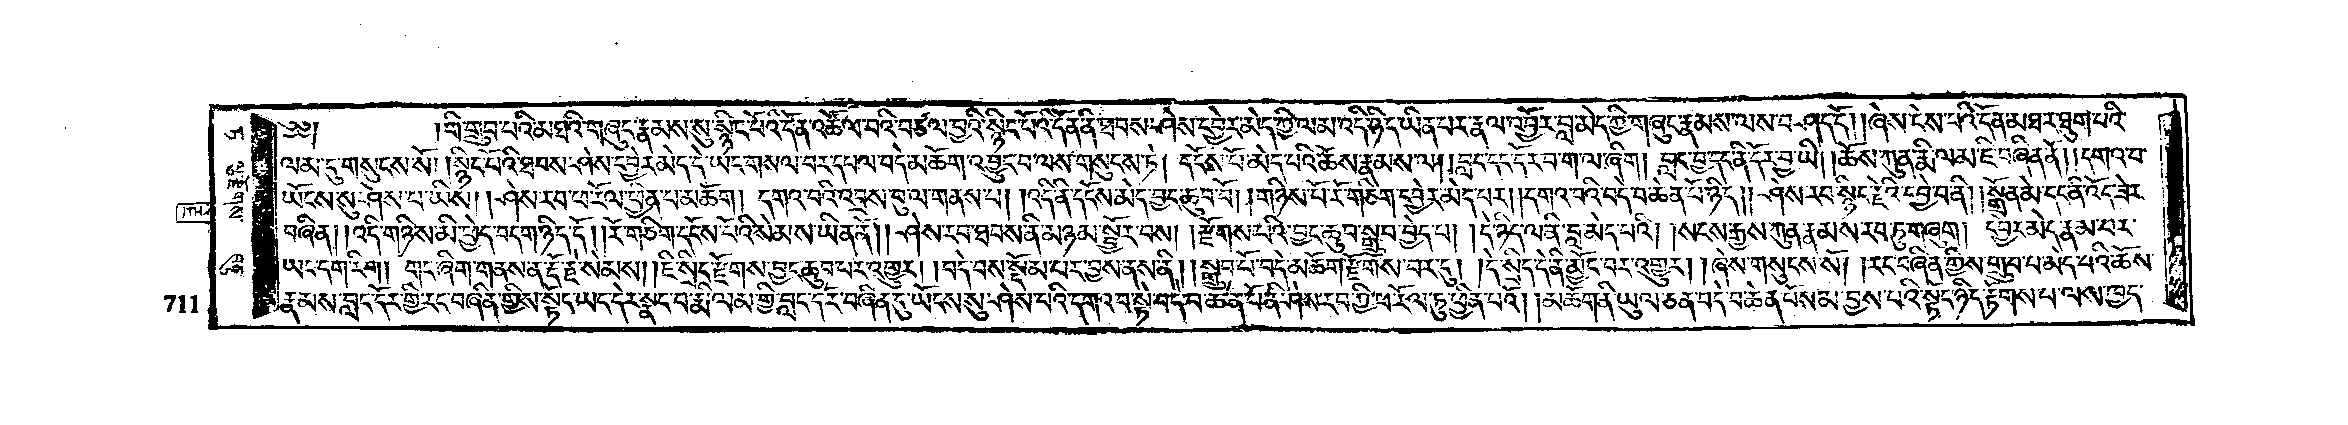༄༅། །གི་གྲུབ་པའི་མཐའི་གཞུང་རྣམས་སུ་སྙིང་པོའི་དོན་འཚོལ་བའི་བཙལ་?་བྱའི་སྙིང་པོའི་དོན་ནི་ཐབས་ཤེས་དབྱེར་མེད་ཀྱི་ལམ་འདི་ཉིད་ཡིན་པར་རྣལ་འབྱོར་བླ་མད་ཀྱི་གཞུང་རྣམས་ལས་བཤད་དོ། །ཞེས་ངེས་པའི་དོན་མཐར་ཐུག་པའི་
ལམ་དུ་གསུངས་སོ། །སྙིང་པོའི་ཐབས་ཤེས་དབྱེར་མེད་དེ་ཡང་གསལ་བར་དཔལ་བདེ་མཆོག་འབྱུང་བ་ལས་གསུངས་ཏེ། དངོས་པོ་མེད་པའི་ཆོས་རྣམས་ལ། །བླང་དང་དོར་བ་ག་ལ་ཞིག། བླང་བྱ་དང་ནི་དོར་བྱ་ཡི། །ཆོས་ཀུན་རྨི་ལམ་ཇི་བཞིན་ནོ། །དགའ་བ་
ཡོངས་སུ་ཤེས་པ་ཡིས། །ཤེས་རབ་ཕ་རོལ་ཕྱིན་པ་མཆོག །དགའ་བའི་འབྲས་བུ་ལ་གནས་པ། །འདི་ནི་དངོས་མེད་བྱང་ཆུབ་བོ། །གཉིས་པོ་རོ་གཅིག་དབྱེར་མེད་པར། །དགའ་བའི་བདེ་བ་ཆེན་པོ་ཉིད། །ཤེས་རབ་སྙིང་རྗེའི་དབྱེ་བ་ནི། །སྒྲོན་མེ་དང་ནི་འོད་ཟེར་
བཞིན། །འདི་གཉིས་མི་ཕྱེད་བདག་ཉིད་དོ། །རོ་གཅིག་དངོས་པོའི་སེམས་ཡིན་ནོ། །ཤེས་རབ་ཐབས་ནི་མཉམ་སྦྱོར་བས། །རྫོགས་པའི་བྱང་ཆུབ་སྒྲུབ་བྱེད་པ། །དེ་ཉིད་ལ་ནི་བླ་མེད་པའི། །སངས་རྒྱས་ཀུན་རྣམས་རབ་ཏུ་གཞུག །དབྱེར་མེད་རྣམ་པར་
ཡང་དག་རིག །གང་ཞིག་གནས་ན་རྡོ་རྗེ་སེམས། །ཇི་སྲིད་རྫོགས་བྱང་ཆུབ་པར་འགྱུར། །བདེ་བས་སྡོམ་པར་བྱས་ནས་ནི། །སྒྲུབ་པོ་བདེ་མཆོག་རྫོགས་བར་དུ། །དེ་སྲིད་དེ་ནི་མྱོང་བར་འགྱུར། །ཞེས་གསུངས་སོ། །རང་བཞིན་གྱིས་གྲུབ་པ་མེད་པའི་ཆོས་
རྣམས་བླང་དོར་གྱི་རང་བཞིན་གྱིས་སྟོང་ཡང་དེར་སྣང་བ་རྨི་ལམ་གྱི་བླང་དོར་བཞིན་དུ་ཡོངས་སུ་ཤེས་པའི་དགའ་བ་སྟེ་བདེ་བ་ཆེན་པོ་ནི་ཤེས་རབ་ཀྱི་ཕ་རོལ་ཏུ་ཕྱིན་པའོ། །མཆོག་ནི་ཡུལ་ཅན་བདེ་བ་ཆེན་པོས་མ་བྱས་པའི་སྟོང་ཉིད་རྟོགས་པ་ལས་ཁྱད་